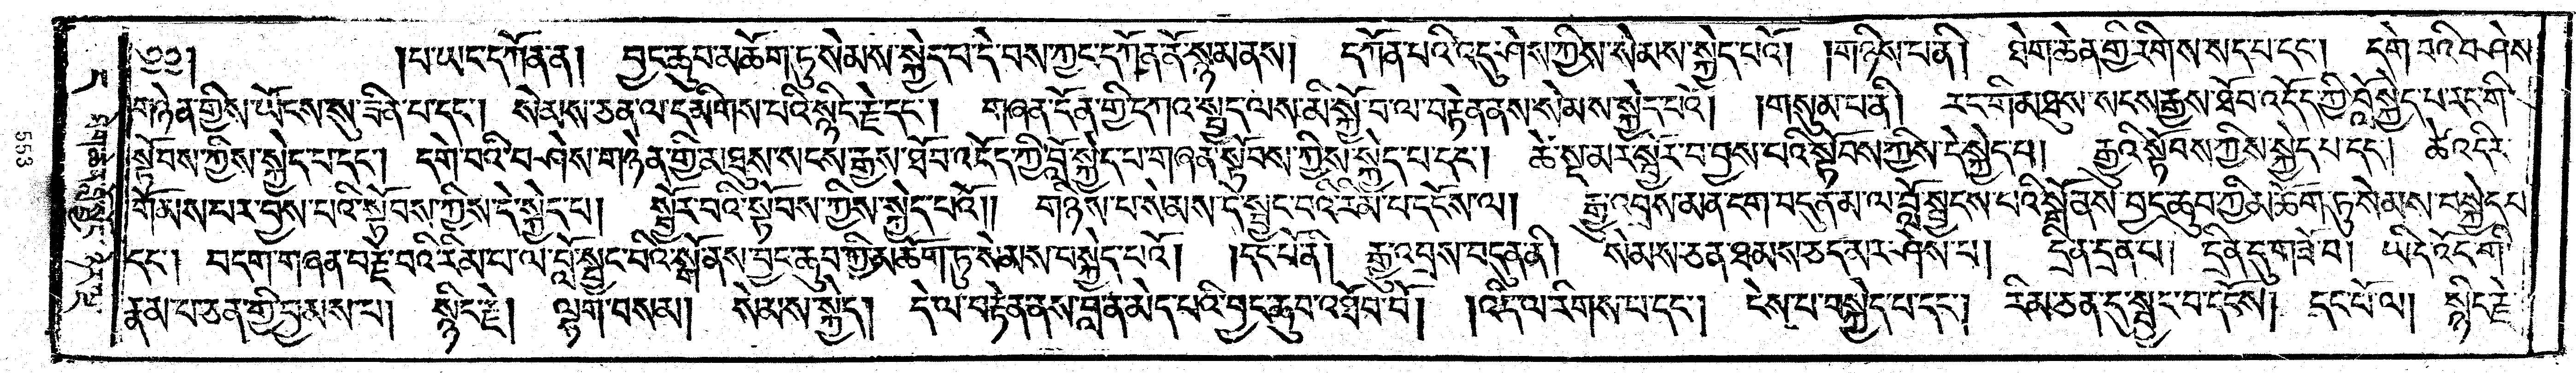༄༅། །པ་ཡང་དཀོན་ན། བྱང་ཆུབ་མཆོག་ཏུ་སེམས་སྐྱེད་པ་དེ་བས་ཀྱང་དཀོན་ནོ་སྙམ་ནས། དཀོན་པའི་འདུ་ཤེས་ཀྱིས་སེམས་སྐྱེད་པའོ། །གཉིས་པ་ནི། ཐེག་ཆེན་གྱི་རིགས་སད་པ་དང་། དགེ་བའི་བཤེས་
གཉེན་གྱིས་ཡོངས་སུ་ཟིན་པ་དང་། སེམས་ཅན་ལ་དམིགས་པའི་སྙིང་རྗེ་དང་། གཞན་དོན་གྱི་དཀའ་སྤྱད་ལས་མི་སྐྱོ་བ་ལ་བརྟེན་ནས་སེམས་སྐྱེད་པའོ། །གསུམ་པ་ནི། རང་གི་མཐུས་སངས་རྒྱས་ཐོབ་འདོད་ཀྱི་བློ་སྐྱེད་པ་རང་གི་
སྟོབས་ཀྱིས་སྐྱེད་པ་དང་། དགེ་བའི་བཤེས་གཉེན་གྱི་མཐུས་སངས་རྒྱས་ཐོབ་འདོད་ཀྱི་བློ་སྐྱེད་པ་གཞན་སྟོབས་ཀྱིས་སྐྱེད་པ་དང་། ཚེ་སྔ་མར་སྦྱོར་བ་བྱས་པའི་སྟོབས་ཀྱིས་དེ་སྐྱེད་བ། རྒྱུའི་སྟོབས་ཀྱིས་སྐྱེད་པ་དང་། ཚེ་འདིར་
གོམས་པར་བྱས་པའི་སྟོབས་ཀྱིས་དེ་སྐྱེད་པ། སྦྱོར་བའི་སྟོབས་ཀྱིས་སྐྱེད་པའོ།། གཉིས་པ་སེམས་དེ་སྦྱང་བའི་རིམ་པ་དངོས་ལ། རྒྱུ་འབྲས་མན་ངག་བདུན་མ་ལ་བློ་སྦྱངས་པའི་སྒོ་ནས་བྱང་ཆུབ་ཀྱི་མཆོག་ཏུ་སེམས་བསྐྱེད་པ་
དང་། བདག་གཞན་བརྗེ་བའི་རིམ་པ་ལ་བློ་སྦྱང་བའི་སྒོ་ནས་བྱང་ཆུབ་ཀྱི་མཆོག་ཏུ་སེམས་བསྐྱེད་པའོ། །དང་པོ་ནི། རྒྱུ་འབྲས་བདུན་ནི། སེམས་ཅན་ཐམས་ཅད་མར་ཤེས་པ། དྲིན་དྲན་པ། དྲིན་དུ་གཟོ་བ། ཡིད་འོང་གི་
རྣམ་པ་ཅན་གྱི་བྱམས་པ། སྙིང་རྗེ། ལྷག་བསམ། སེམས་སྐྱེད། དེ་ལ་བརྟེན་ནས་བླ་ན་མེད་པའི་བྱང་ཆུབ་འཐོབ་བོ། །འདི་ལ་རིགས་པ་དང་། ངེས་པ་བསྐྱེད་པ་དང་། རིམ་ཅན་དུ་སྦྱང་བ་དངོས། དང་པོ་ལ། སྙིང་རྗེ་